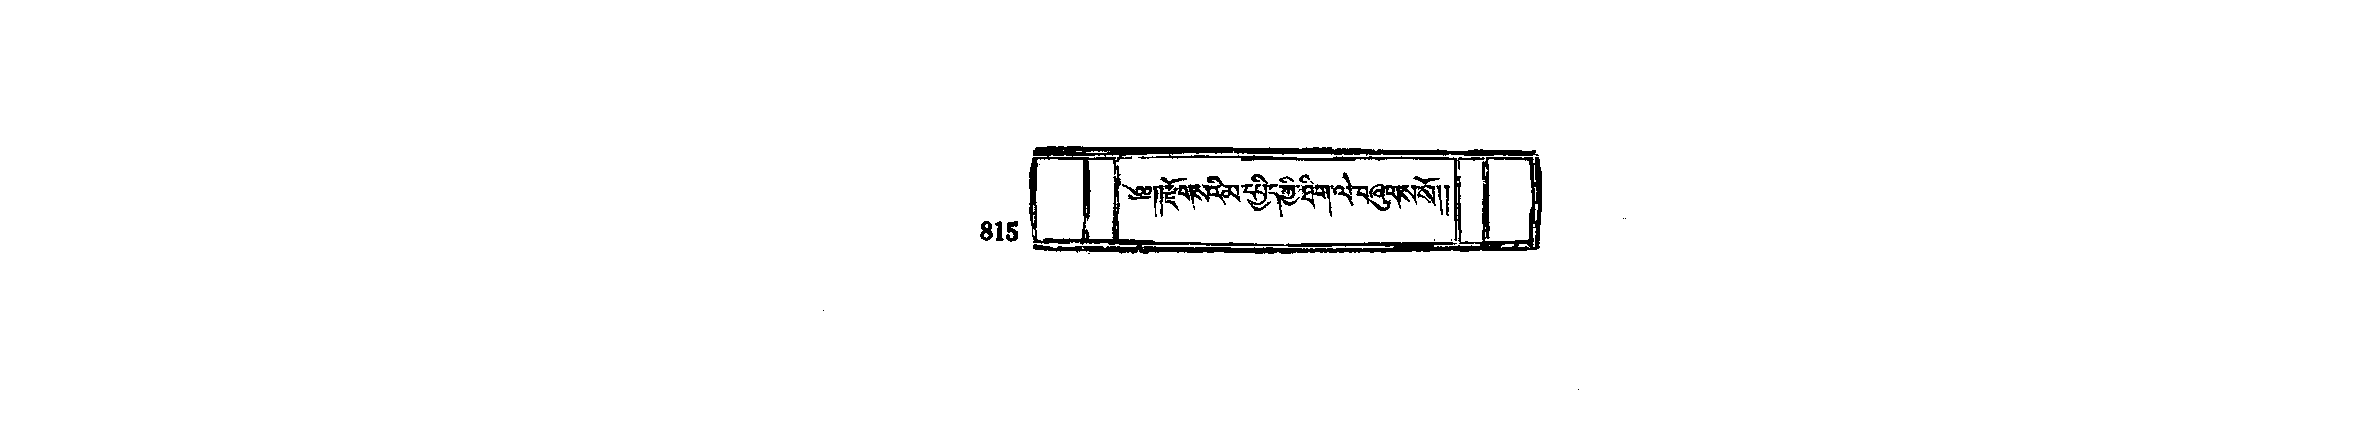༄༅། །རྫོགས་རིམ་དཔྱིད་ཀྱི་ཐིག་ལེ་བཞུགས་སོ། །